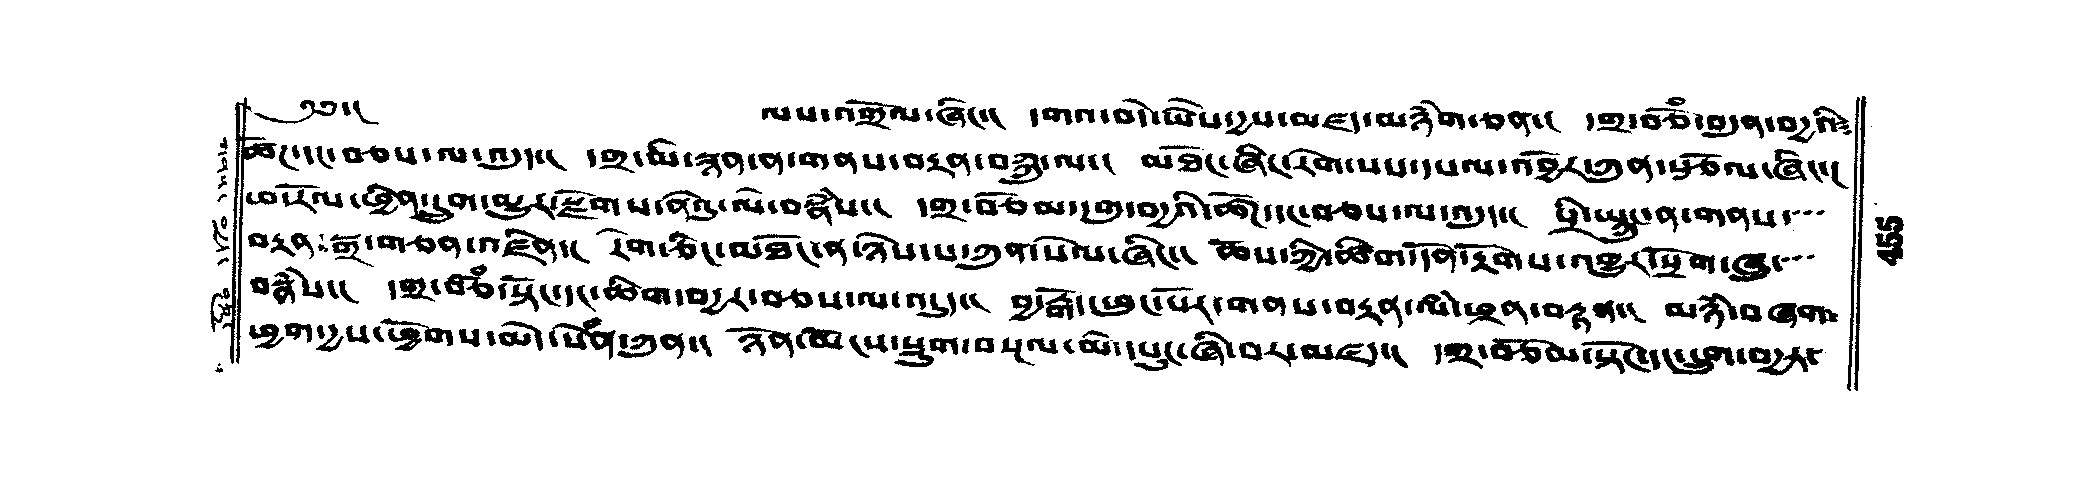ལས་གྲོལ་ཞིང་། །དགའ་བདེ་ཡེ་ཤེས་རྒྱས་མཛད་མཉམ་གཞག་ཅན། །དགྲ་བཅོམ་བདུན་བརྒྱའི་
ཚོགས་དང་བཅས་ལ་འདུད། །དགྲ་མི་སྙན་ན་གནས་བརྟན་བཀུ་ལ། །མཐོང་ཞིང་རེག་པས་དཔལ་འབྱོར་ཀུན་སྩོལ་ཞིང་། །
ཕ་རོལ་ཕྱིན་དྲུག་མྱུར་རྫོགས་ནེའུ་ལེ་བསྣམས། །དགྲ་བཅོམ་དགུ་བརྒྱའི་ཚོགས་དང་བཅས་ལ་འདུད། །པྲི་ཡང་ཀུ་ན་གནས་
བརྟན་སྒྲ་ཅན་འཛིན། །རེག་ཅིང་མཐོང་ན་ཉེས་པ་ཀུན་བསལ་ཞིང་། །ཆོས་ཀྱི་ཚིག་དོན་རྟོགས་འགྱུར་པྲོག་ཞུ་
བསྣམས། །དགྲ་བཅོམ་སྟོང་དང་ཆིག་བརྒྱ་བཅས་ལ་འདུད། །བྱ་རྒོད་ཕུང་པོར་གནས་བརྟན་ལམ་ཕྲན་བརྟན། །མཉམ་གཞག་
ཕྱག་རྒྱས་ཕྱོགས་མེད་སེམས་ཅན་ཀུན། །ཉོན་མོངས་སྡུག་བསྔལ་མེ་དཔུང་ཞི་བར་མཛད། །དགྲ་བཅོམ་སྟོང་དང་དྲུག་བརྒྱ་